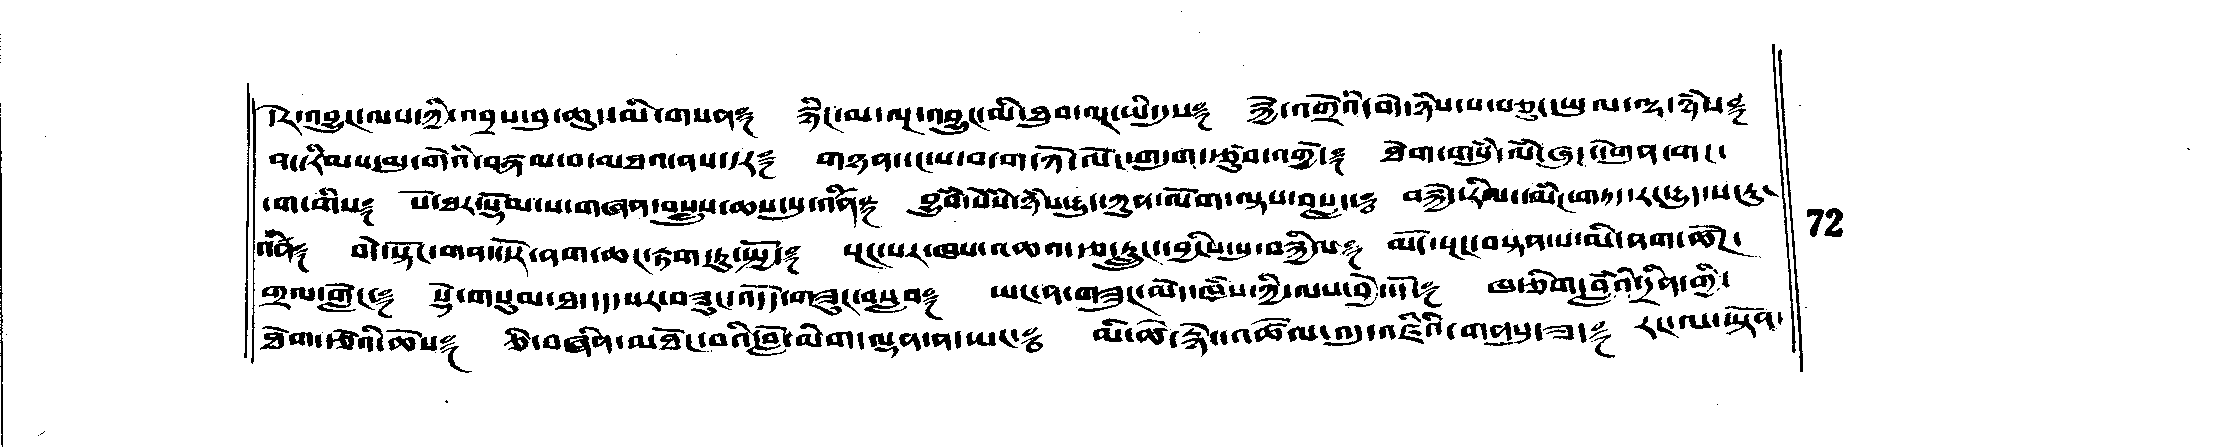།དེར་འབྱུང་ལས་ཀྱི་འབྲས་བུ་ཆུད་མི་གསན། །སྙིགས་མ་ལྔ་འབྱུང་མི་ཐུབ་ལྔ་ཡི་དུས། །སྐྱེ་འགྲོའི་བདེ་ཉམས་ས་བཅུད་ཡུལ་ལྷ་ཉམས། །
ནད་རིམས་དམུ་གེའི་བསྐལ་པ་མཐའ་ནས་དར། །གཉན་དང་ས་བདག་ཀོ་ལོང་གདུག་རྩུབ་འགྱེད། །ཐེག་གསུམ་ལམ་ཞུགས་དགེ་འདུན་གང་
དག་གིས། །སོ་ཐར་སྡོམ་པ་གཞན་བསླུས་ཆས་སུ་འཛིན། །བྱང་ཆུབ་སེམས་ཉིད་རྒྱུད་ཀུན་ལོག་ལྟས་བསླད། །བསྐྱེད་རིམ་དམིགས་གཏད་རང་རྒྱུད་ས་རུ་
འཛིན། །བདེ་སྟོང་གནད་དོར་ནག་ཆང་རྟག་ཏུ་སྤྱོད། །སྔགས་པར་ཁས་འཆའ་རྩ་རླུང་དབྱིངས་སུ་བསྐྱིལ། །མདོ་སྔགས་བསྟན་པ་མི་ནག་ཚོགས་
གྲལ་གླེང་། །སྡེ་གསུམ་ཐ་དད་སར་བཟུང་འདོད་གཟུགས་བསླབ། །ཡང་ན་གཟུགས་མེད་ཁམས་ཀྱི་ལས་བྱེད་དོ། །ཁ་ཅིག་བླ་མའི་དྲིན་གྱི་
ཐེག་རྩེའི་ཆོས། །ཅི་བཞིན་མཐོང་བའི་བློ་མིག་ལྡན་ན་ཡང་། །མི་ཚེ་རྙེད་འཚོལ་འདུ་འཛིའི་གནས་སུ་ཟད། །རང་ལ་ཡོན་ཏན་